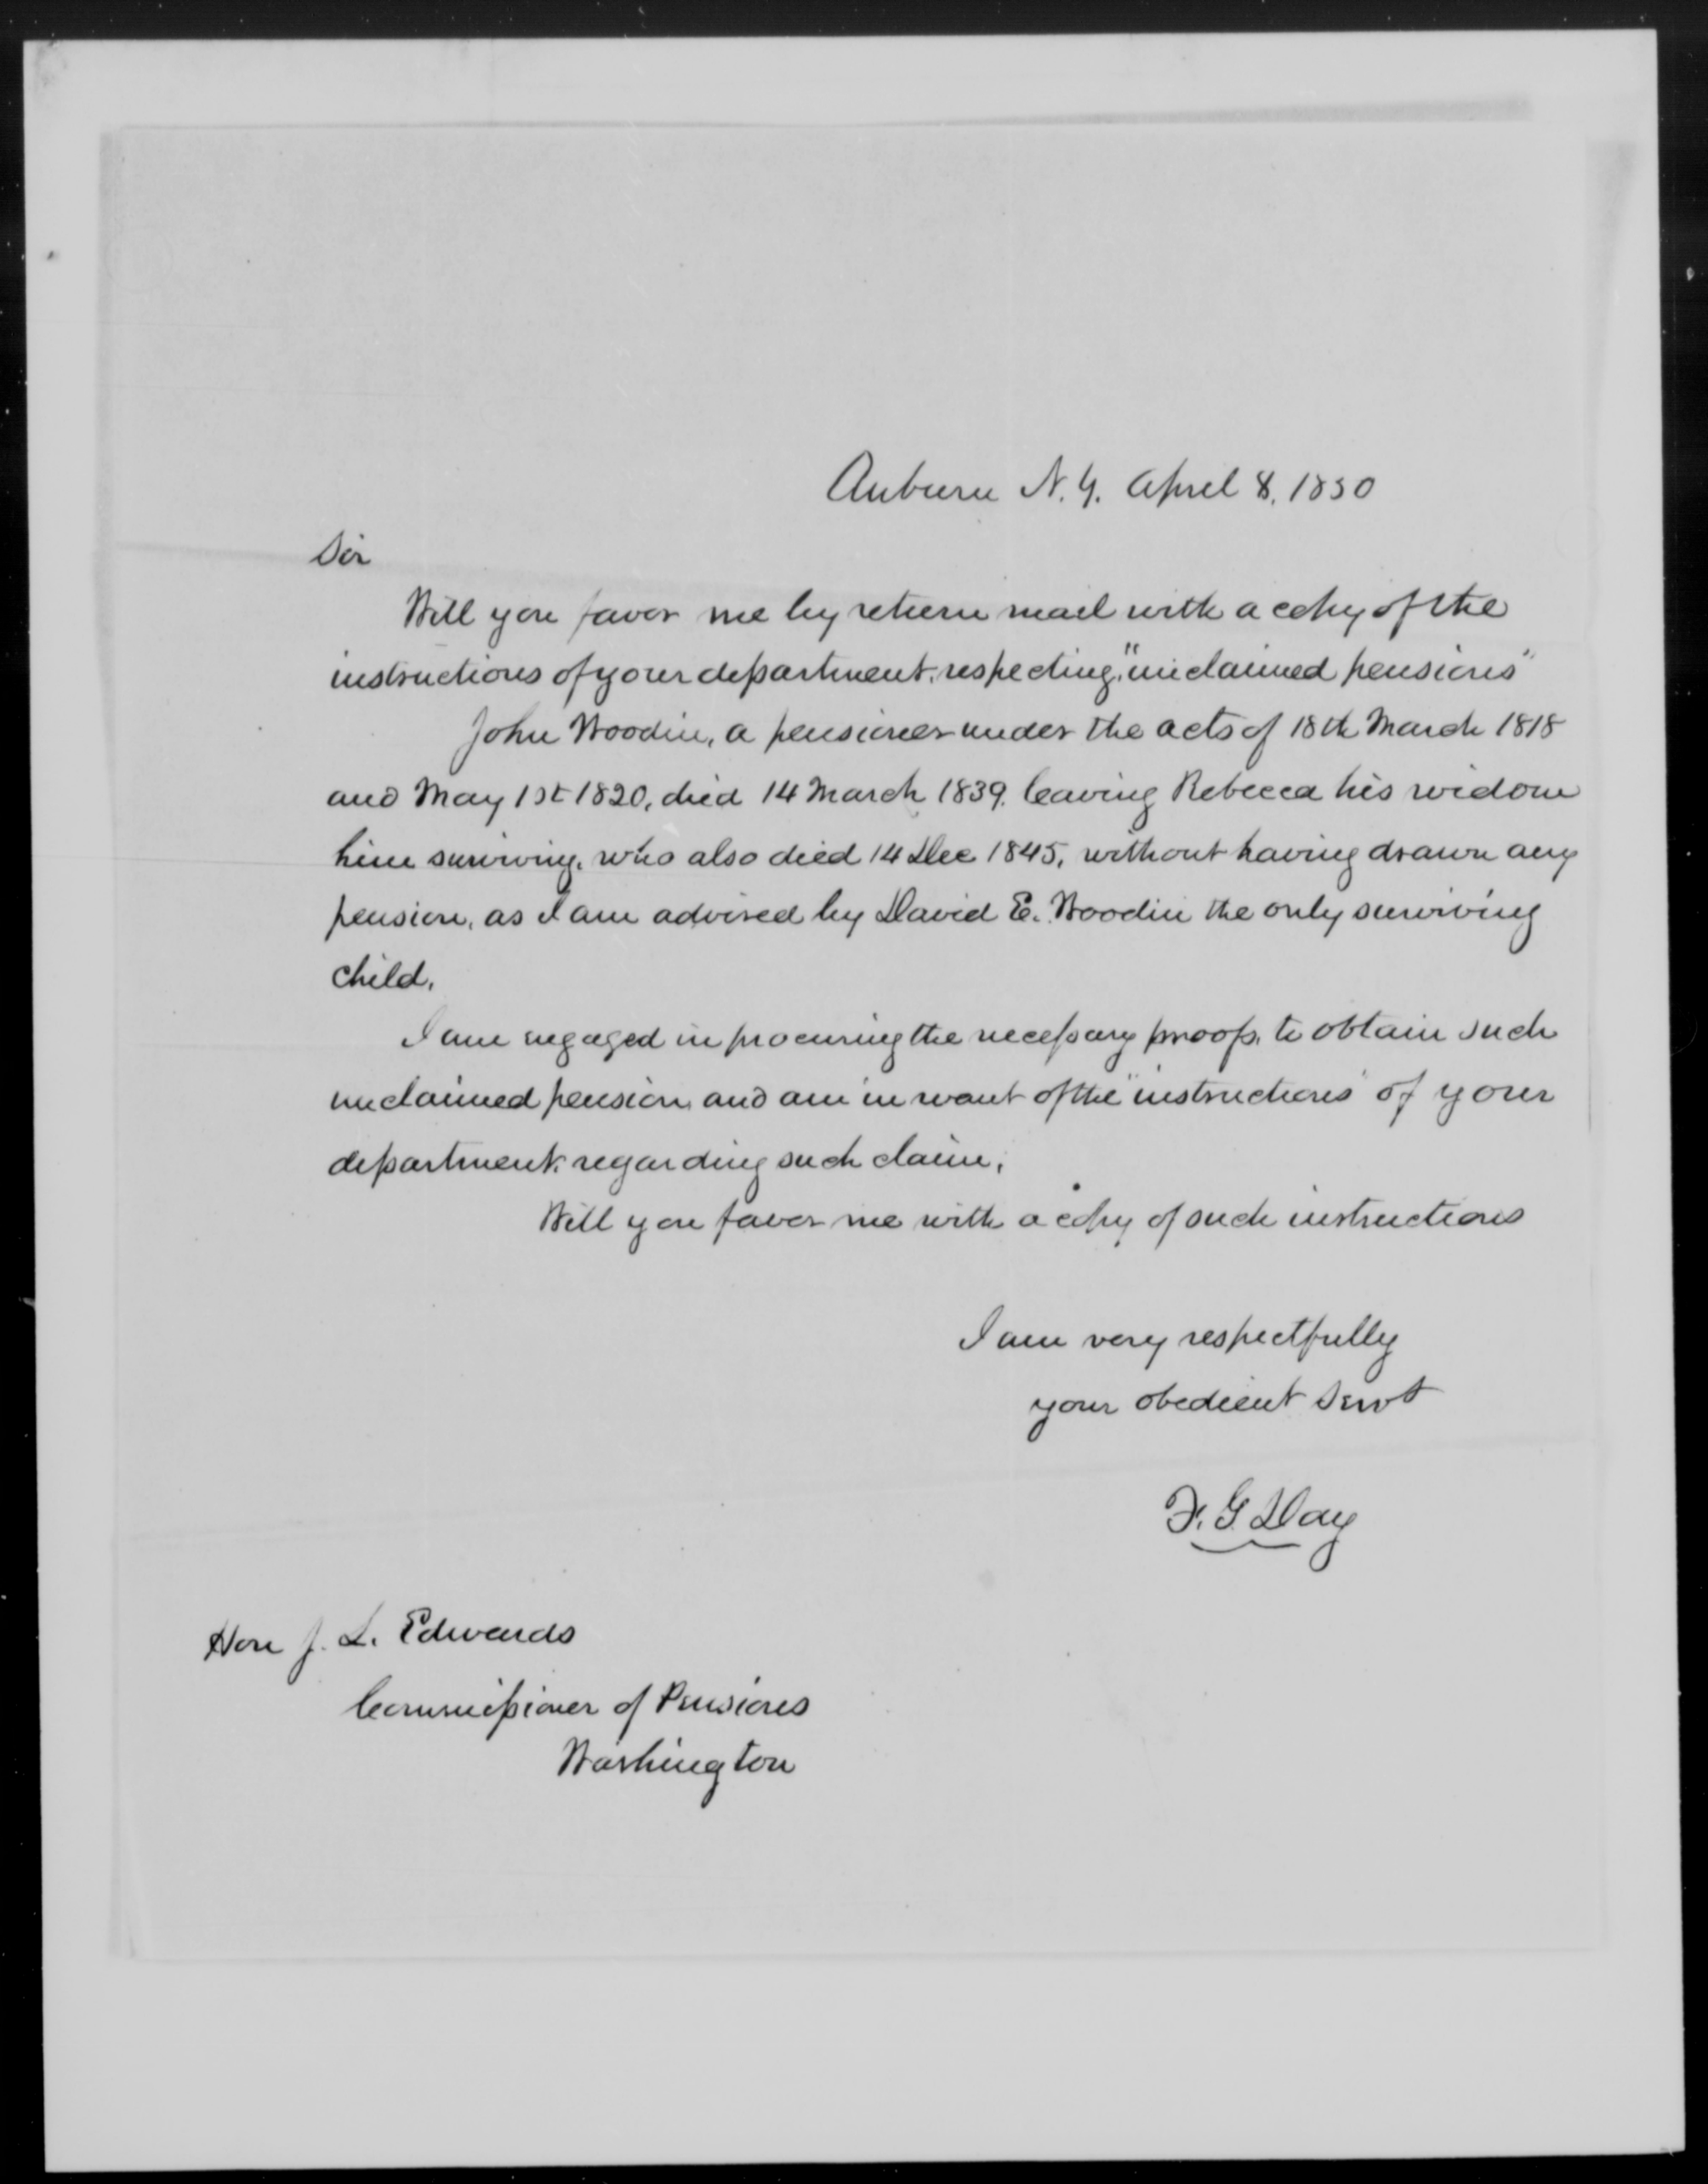Auburn N.Y. April 8, 1850 
Sir
Will you favor me by return mail with a copy of the instructions of your department, respecting “unclaimed pensions”
John Woodin, a pensioner under the acts of 18th March 1818 and May 1st 1820, died 14 March 1839 leaving Rebecca his widow him surviving, who also died 14 Dec 1845, without having drawn any pension, as I am advised by David E. Woodin the only surviving child. 
I am engaged in procuring the necessary proofs to obtain such unclaimed pension and am in want of the instructions of your department regarding such claim, 
Will you favor me with a copy of such instructions 
I am very respectfully 
your obedient Servt 
F.G Day 

Hon J. L. Edwards 
Commissioner of Pensions 
Washington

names: F G Day, J L Edwards, Rebecca, John Woodin, David E Woodin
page: 60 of 77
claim: widow's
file: W. 19658, John Woodin, New York